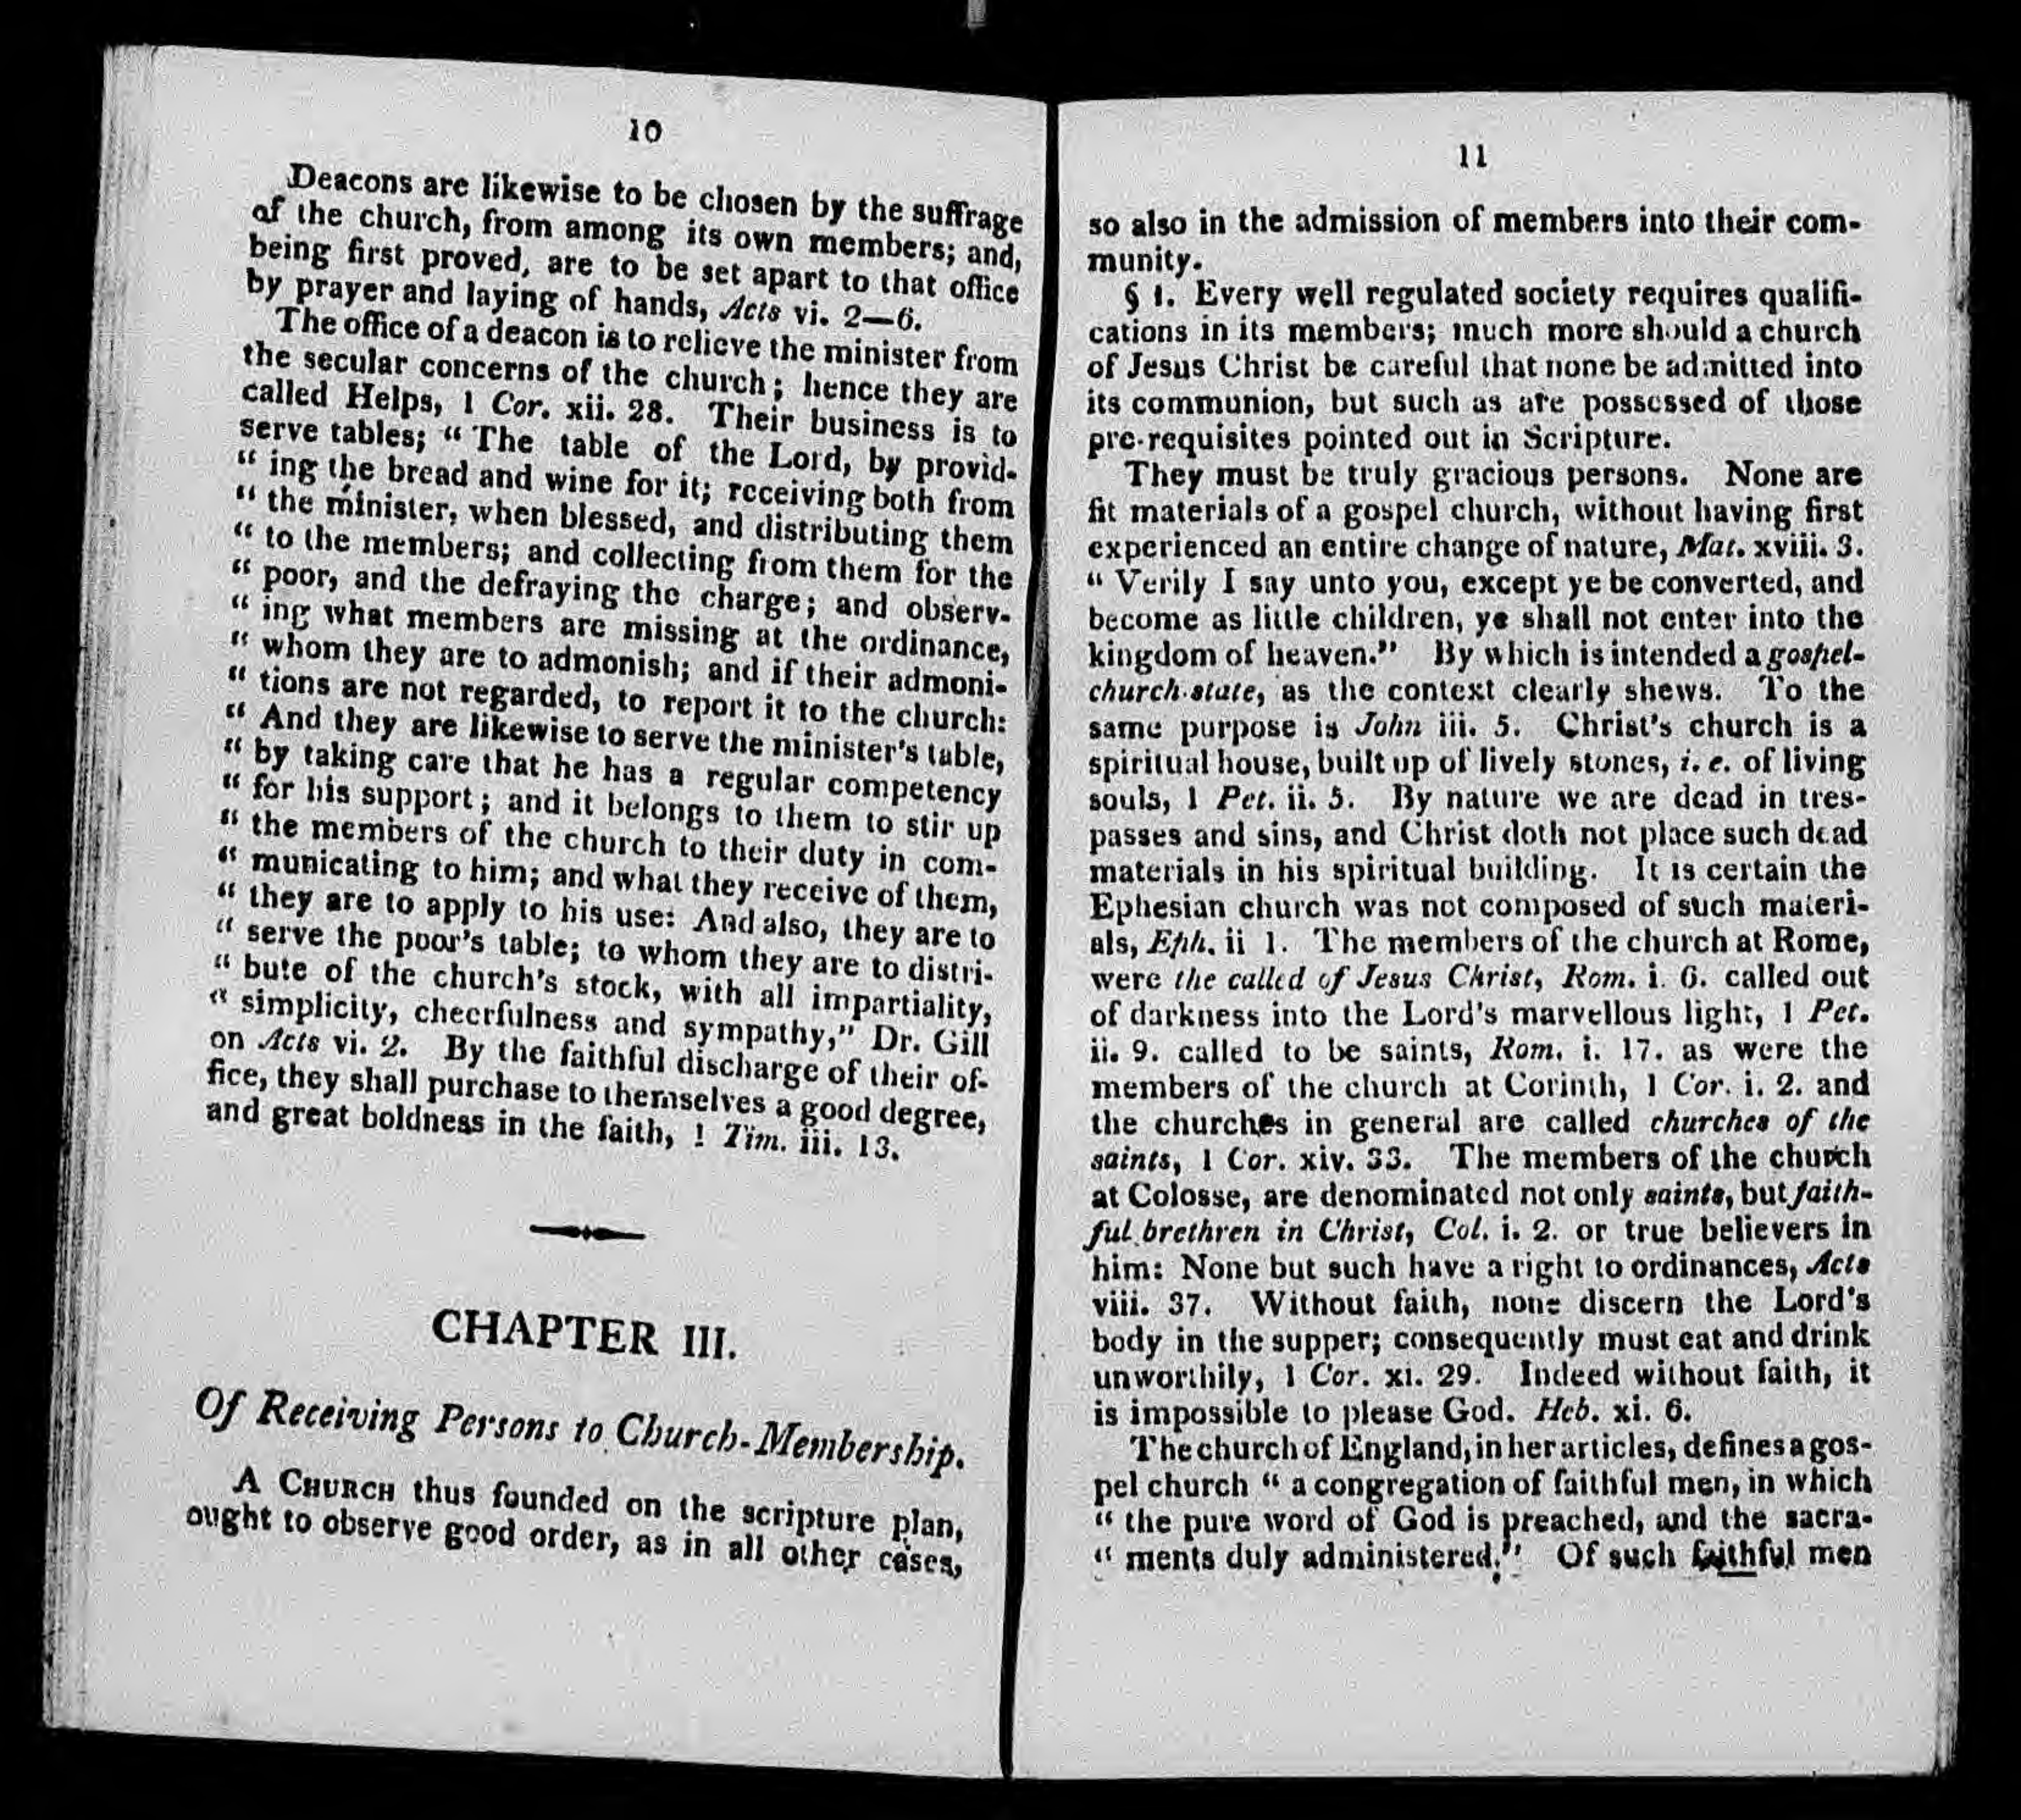[page] 10
Deacons are likewise to be chosen by the suffrage the church, from among its own members; and, being first proved, are to be set apart to that office by prayer and laying of hands, Acts vi. 2-6.
The office of a deacon is to relieve the minister from the secular concerns of the church; hence they are called Helps, 1 Cor. xii. 28.  Their business is to serve tables; "The table of the Lord, by providing the bread and wine for it; receiving both from the minister, when blessed, and distributing them to the members: and collecting from them for the poor, and the defraying the charge; and observing what members are missing at the ordinance, whom they are to admonish; and if their admonitions are not regarded, to report it to the church: And they are likewise to serve the ministers table, by taking care that he has a regular competency for his support; and it belongs to them to stir up the members of the church to their duty in communicating to him; and what they receive of them, they are to apply to his use: and Also, they are to serve the poor's table; to whom they are to distribute of the church's stock, with all impartiality, simplicity, cheerfulness and sympathy," Dr. Gill on Acts vi. 2. By the faithful discharge of their office, they shall purchase to themselves a good degree, and great boldness in the faith,! Tim. iii. 13.

CHAPTER III.
Of Receiving Persons to Church-Membership.

A Church thus founded on the scripture plan, ought to observe good order, as in all other cases,

[page] 11
so also in the admission of members into their community.
1. Every well regulated society requires qualifications in its member; much more should a church of Jesus Christ be careful that none be admitted into its communion, but such as are possessed of those pre-requisites pointed out in Scripture.
The must be truly gracious persons.  None are fit materials of a gospel church, without having first experienced an entire change of nature, Mat. xviii. 3. 
"Verily I say unto you, except ye be converted, and become as little children, ye shall not enter into the kingdom of heaven." By which is intended a gospel-church state, as the context clearly shews.  To the same purpose is John iii. 5. By nature we are dead in trespasses and sins, and Christ doth not place such dead materials in his spiritual building.  It is certain the Ephesian church was not composed of such materials, Eph, ii 1.  The members of the church at Rome, were the called of Jesus Christ, Rom. i. 6. called out of darkness into the Lord's marvelous light, 1 Pet. ii.9. called to be saints, Rom. i. 17. as were the members of the church at Corinth, 1 Cor. i. 2. and the churches in general are called churches of the saints, I Cor. xiv. 33.  The members of the church at Colosse, are denominated not only saints, but faithful brethren in Christ, Col. i. 2. or true believers in him; None but such have a right to ordinances, Acts viii. 37.  Without faith, none discern the Lord's body in the supper; consequently, must eat and drink unworthily, i Cor. xi. 29.  Indeed without daith, it is impossible to please God. Heb. xi. 6. 
The church of England, in her articles, defines a gospel church "a congregation of faithful men, in which the pure word of God is preached, and the sacraments duly administered."  Of such faithful men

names: Mat, John, Pet, Tim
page: 51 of 98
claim: widow's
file: W. 8398, William Broadway, S.C.